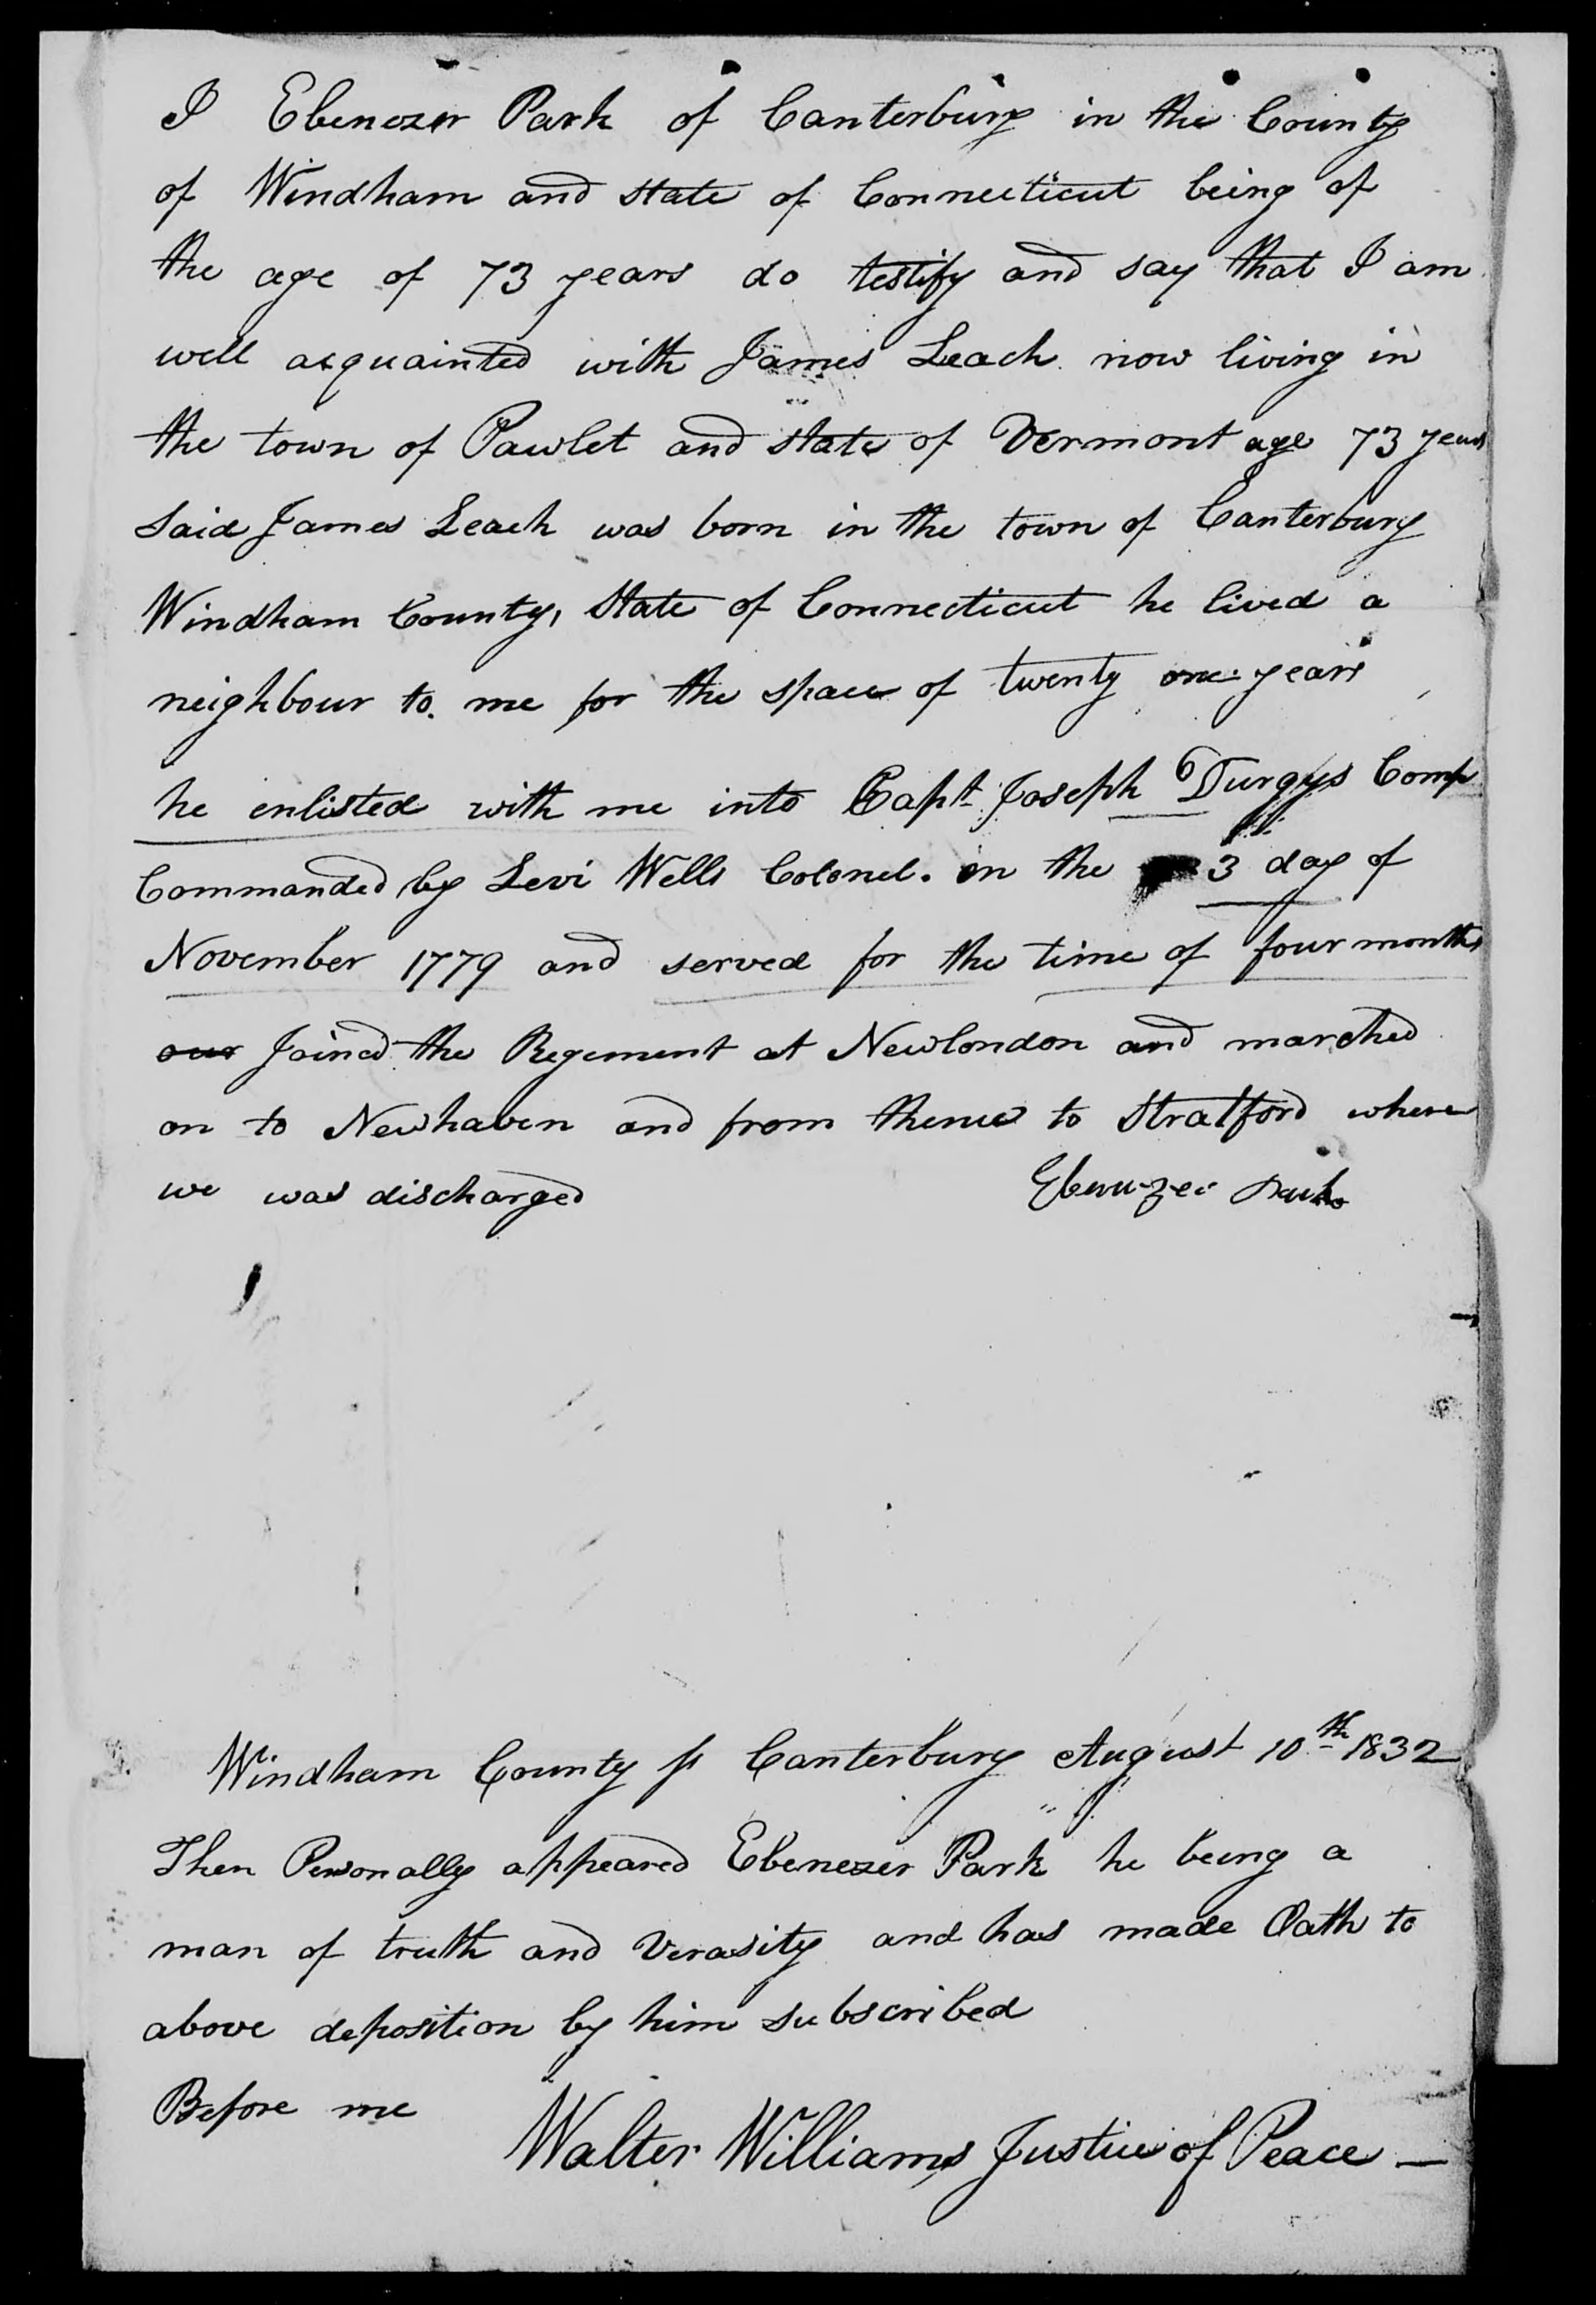I Ebenezer Park of Canterbury in the County of Windham and State of Connecticut being of the age of 73 years do testify and say that I am well acquainted with James Leach now living in the town of Pawlet and State of Vermont age 73 years. Said James leach was born in the town of Canterbury Windham County, State of Connecticut he lived a neighbour to me for the space of twenty one years.
he enlisted with me into Capt Joseph Dungy's Comp Commanded by Levi Wells Colonel on the 3 days of November 1779 and served for the time of four months.
[crossed out] Joined the Regiment at Newlondon  and marched on to Newhaven and from there to Stratford where we was discharged.
Ebenezer Park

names: James Leach; Ebenezer Park; Walter Williams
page: 12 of 27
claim: widow's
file: W. 24,500, for James Leach, Connecticut